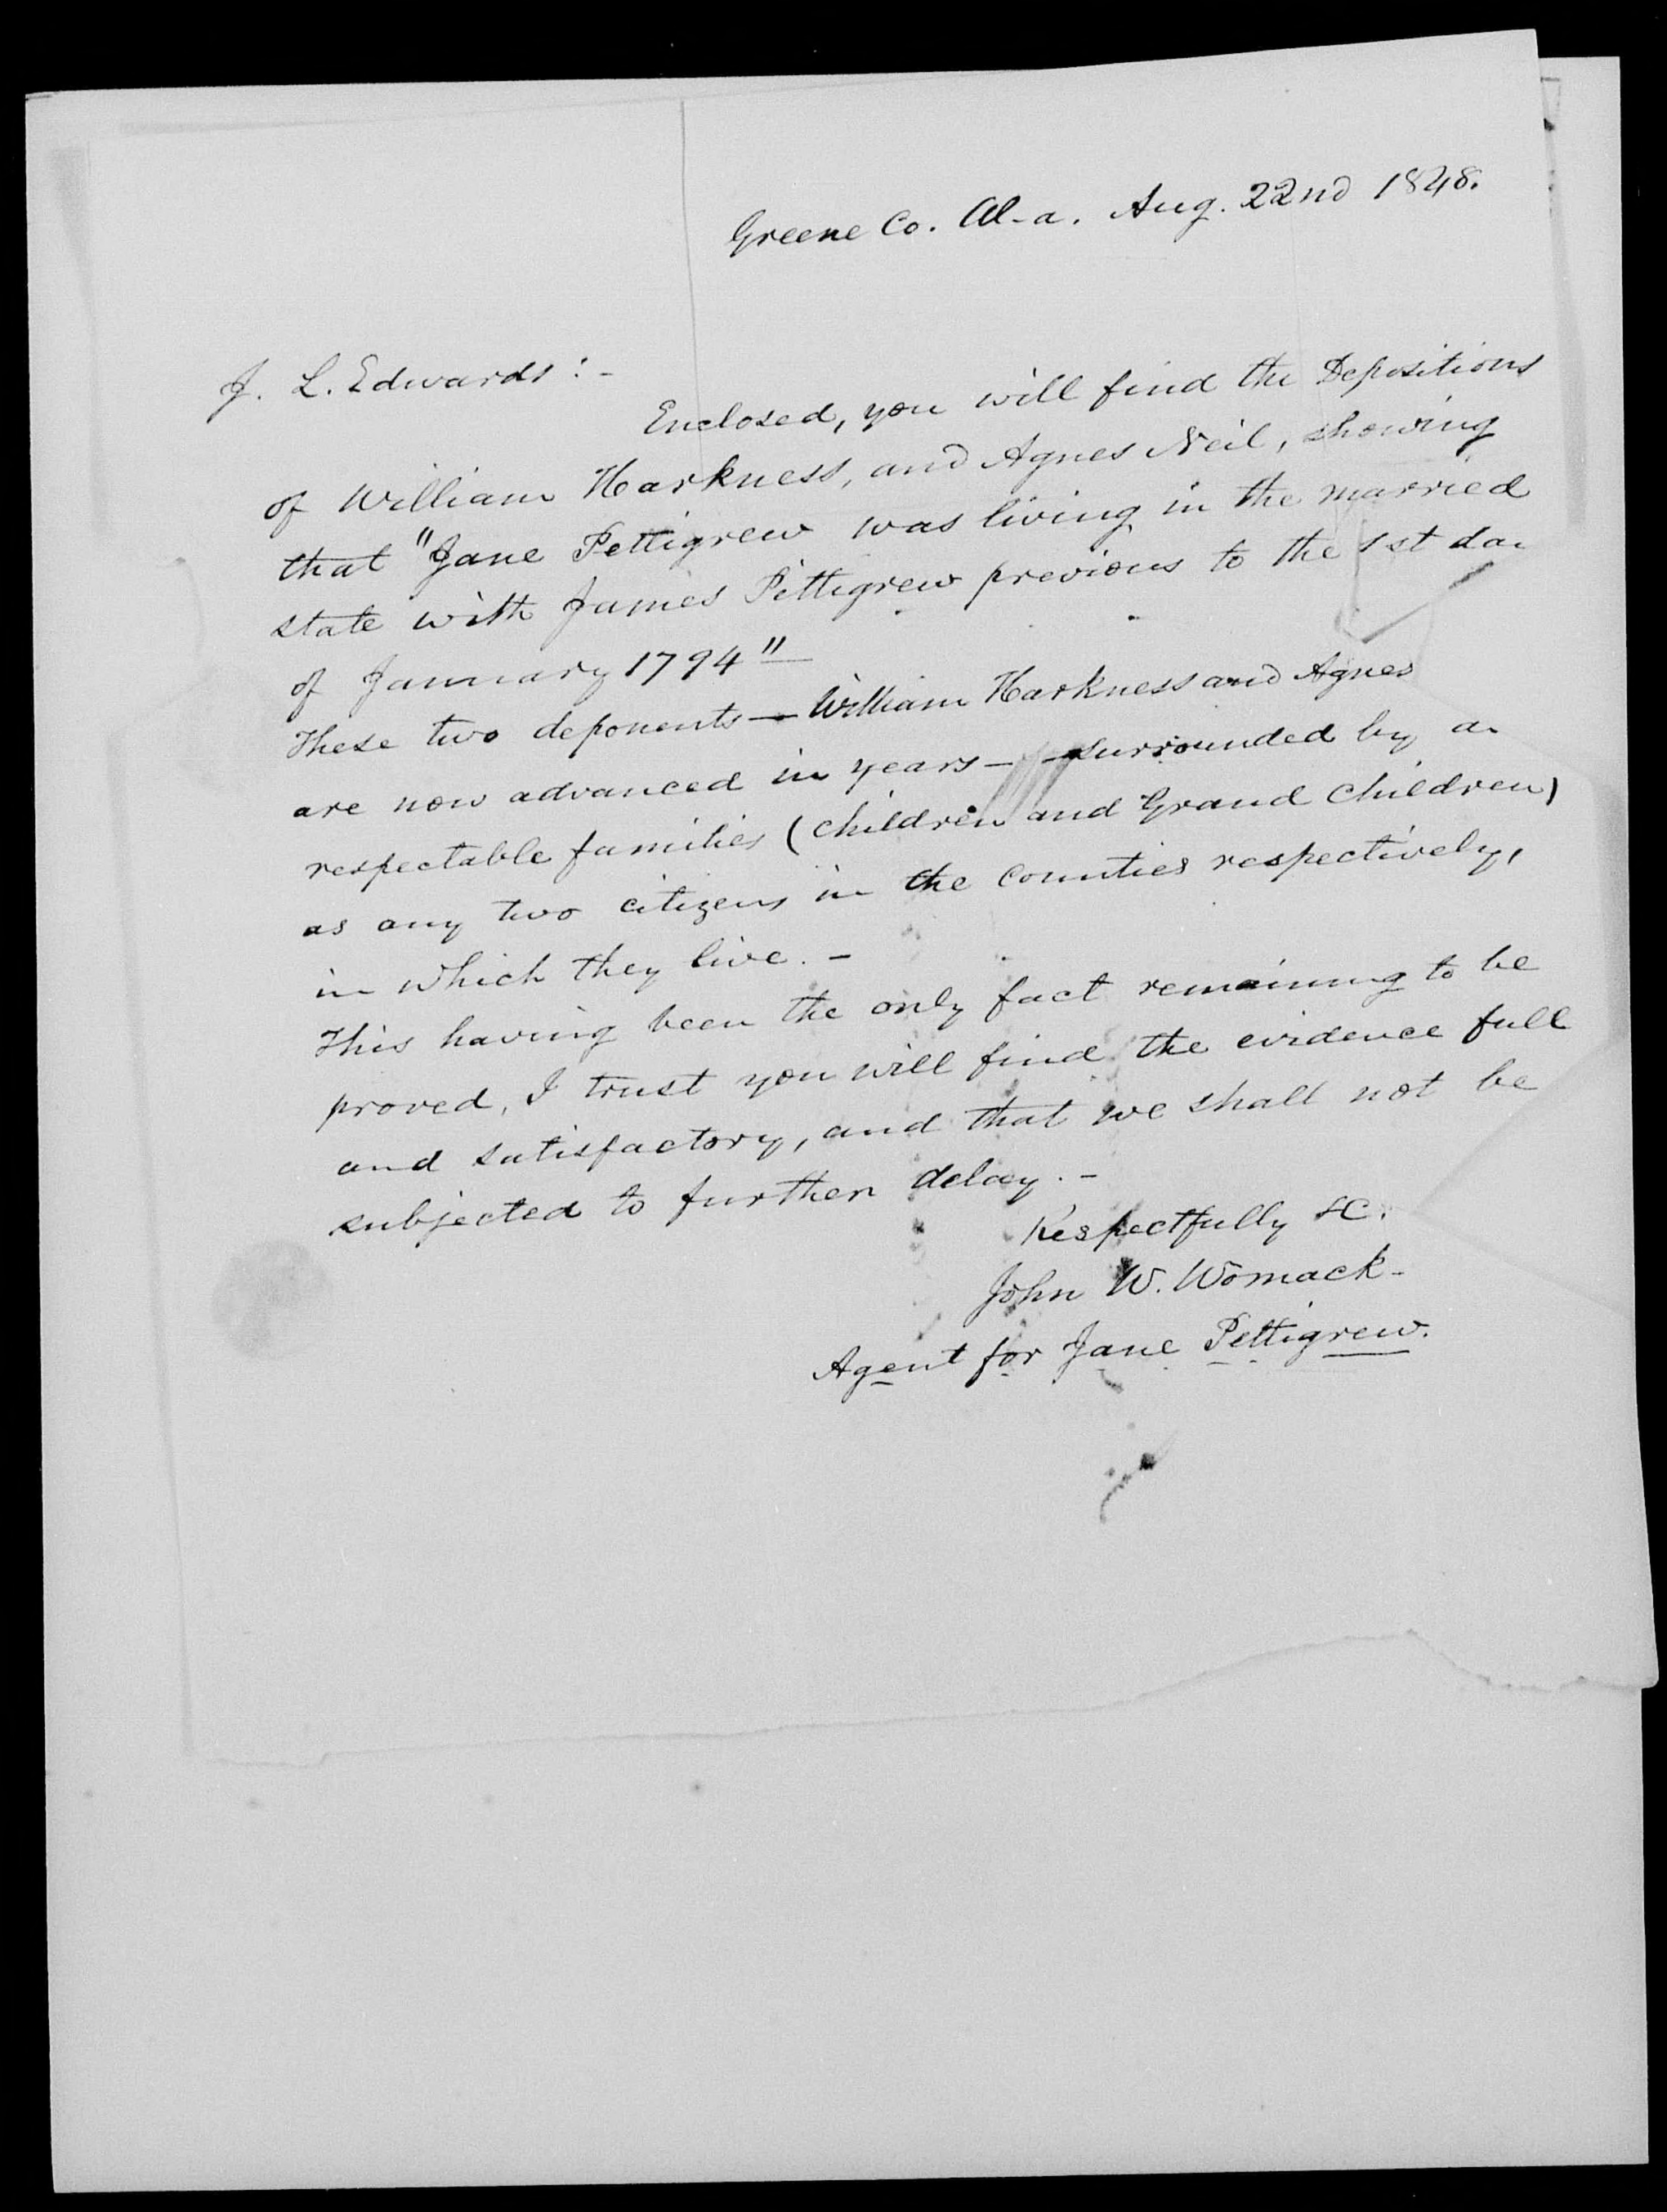Greene Co. Ala. Aug 22nd 1848
J.L . Edwards
enclosed you will find the Depositions of William Harkness, and Agnes Neil showing that "Jane Pettigrew was living in the married state with James Pettigrew previous to the 1st day of January 1794"

These two deponents - Willaim Harkness and Agnes (page torn) are now advanced in years - surrounded by (page torn) respectable families (children and grandchildren) as any two citizens in the counties respectively in which they live. This having been the only fact remaining to be proved, I trust you will find the evidence full and satisfactory, and that we shall not be subjected to further delay.
Respectfully (?)
John W. Womack
Agent for Jane Pettigrew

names: Agnes Neil; William Harkness; John W Womack; Jane Pettigrew; James Pettigrew; J L Edwards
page: 5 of 92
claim: widow's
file: W. 5522, for James Pettigrew, South Carolina